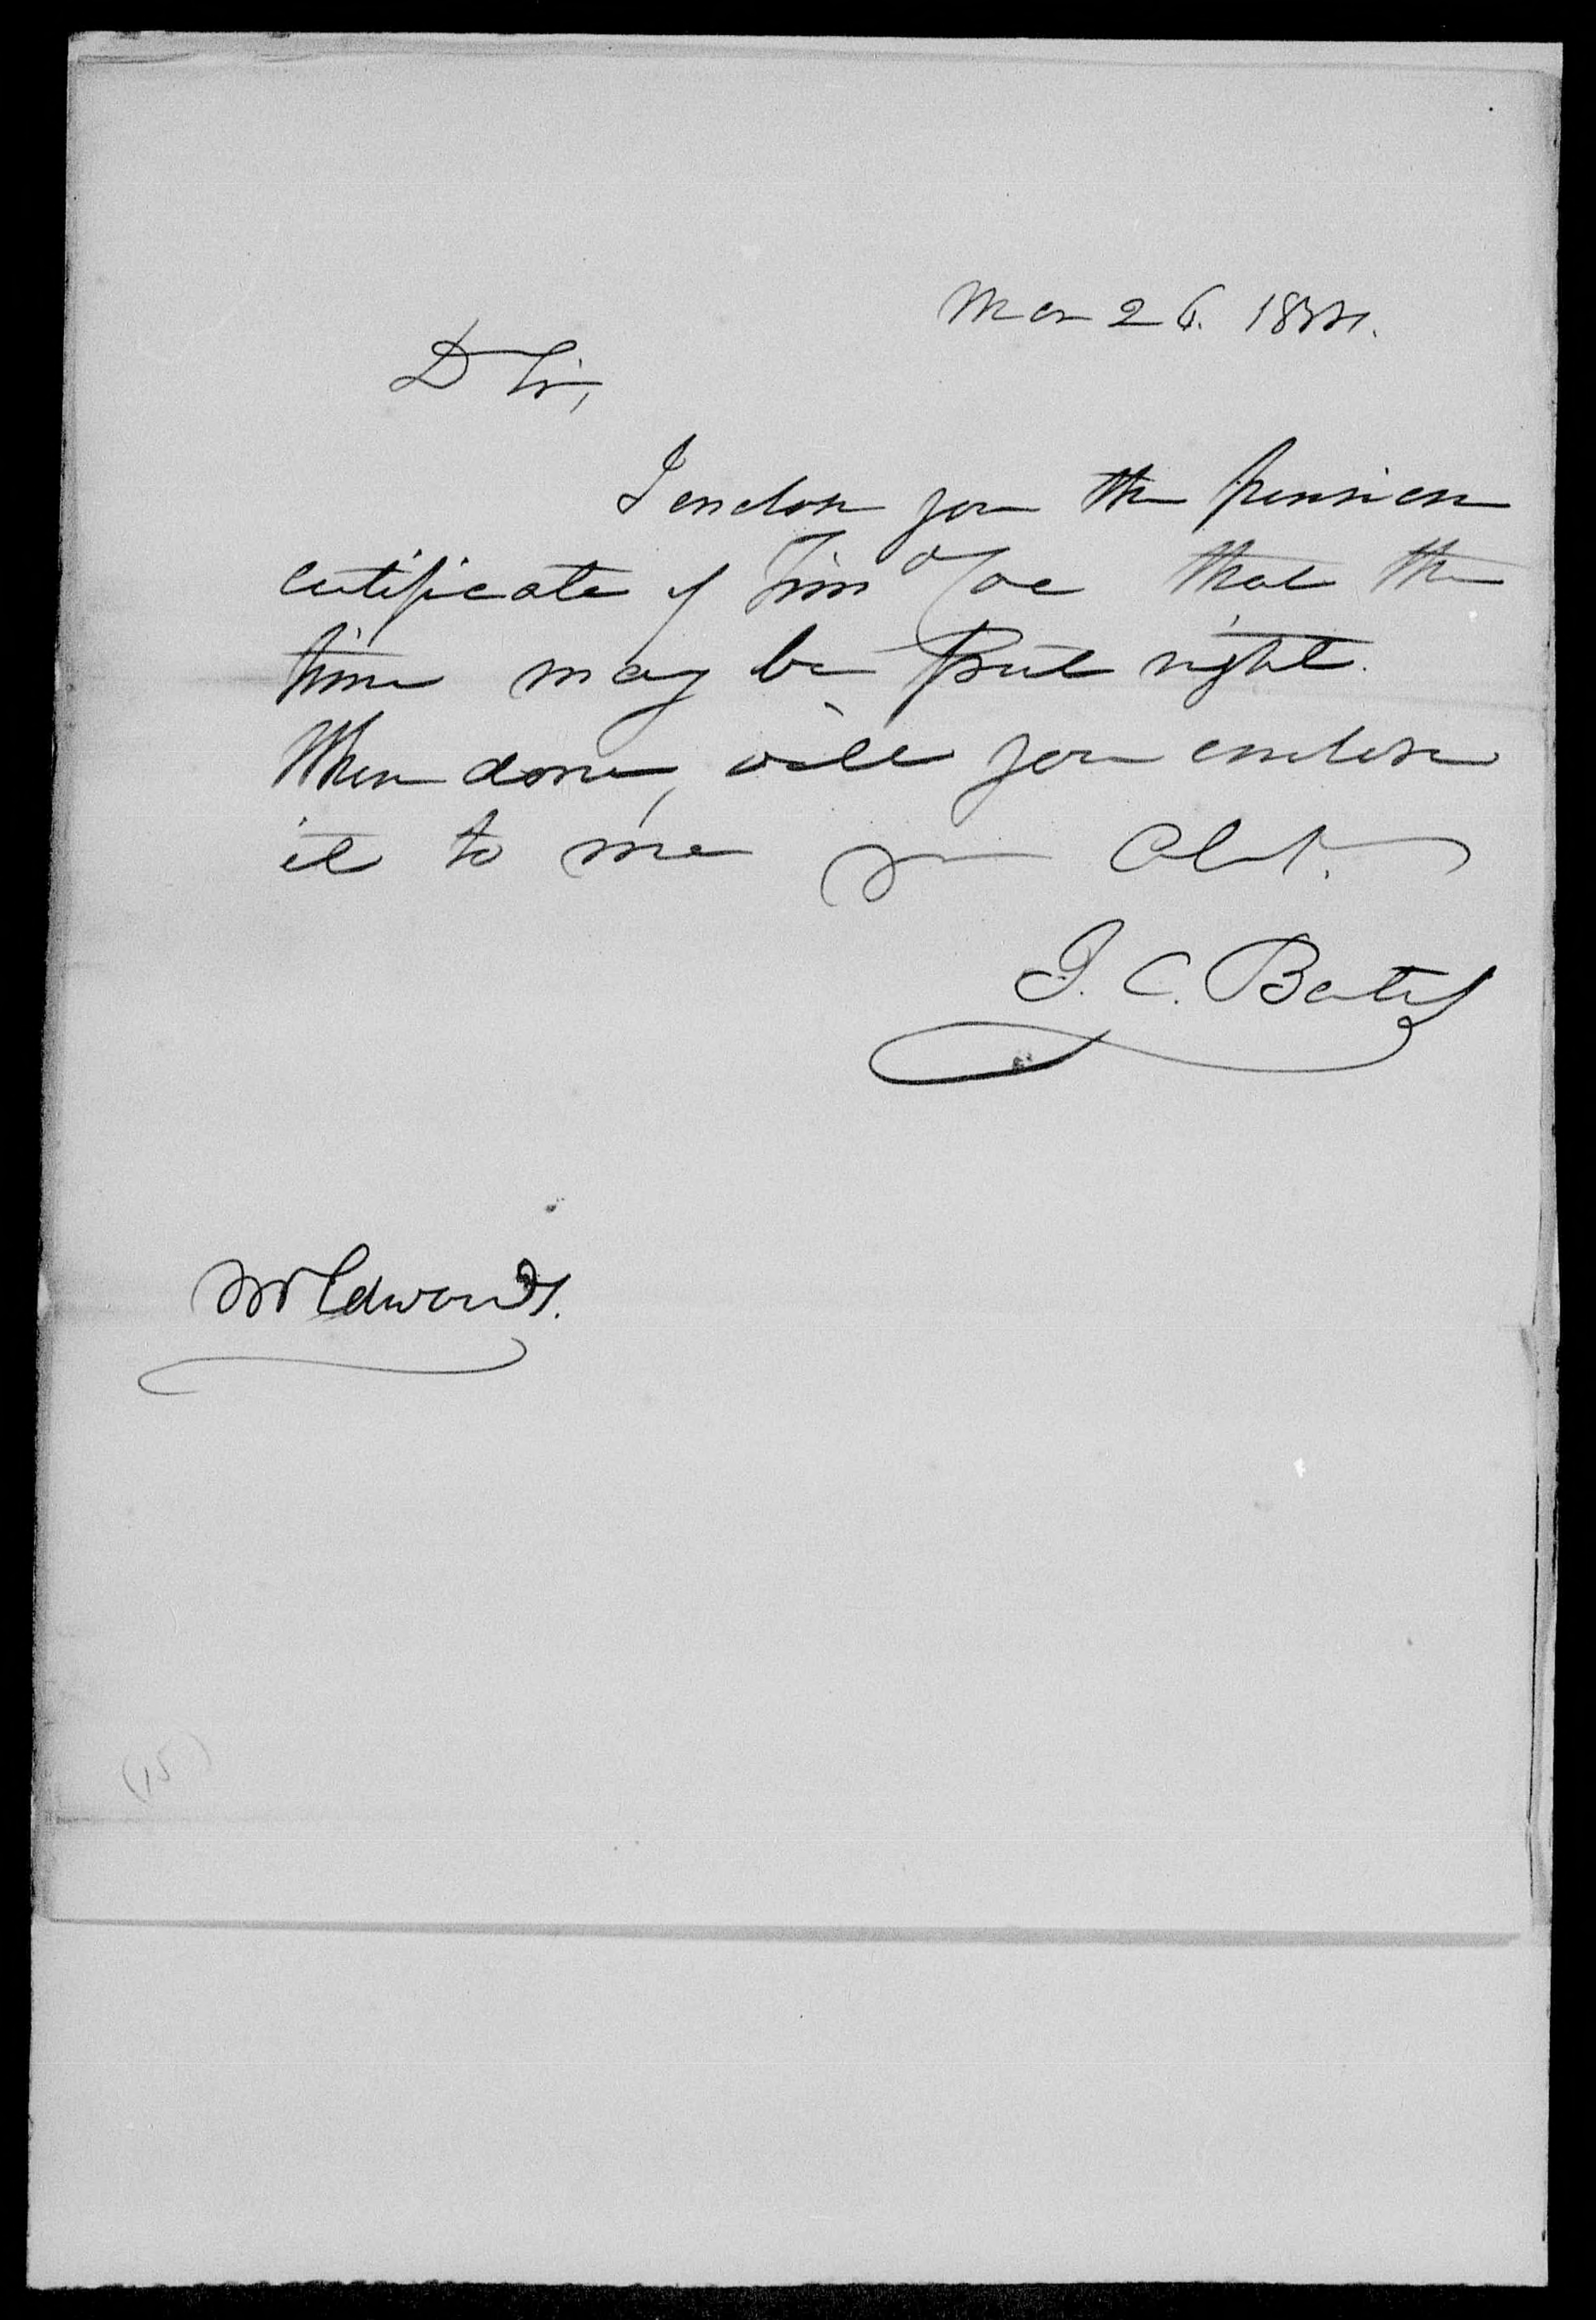Mar 26, 1881
D Sir,

I enclose you the pension ceritfcate of Tim Coe that the time may be put right when done, will you enclose it to me 

(illegible)
J. C. Bates

(illegible) Edwards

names: Timo Coe, Edwards, I C Bates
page: 36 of 76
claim: widow's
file: W. 5,250, Timothy Coe, Conn.